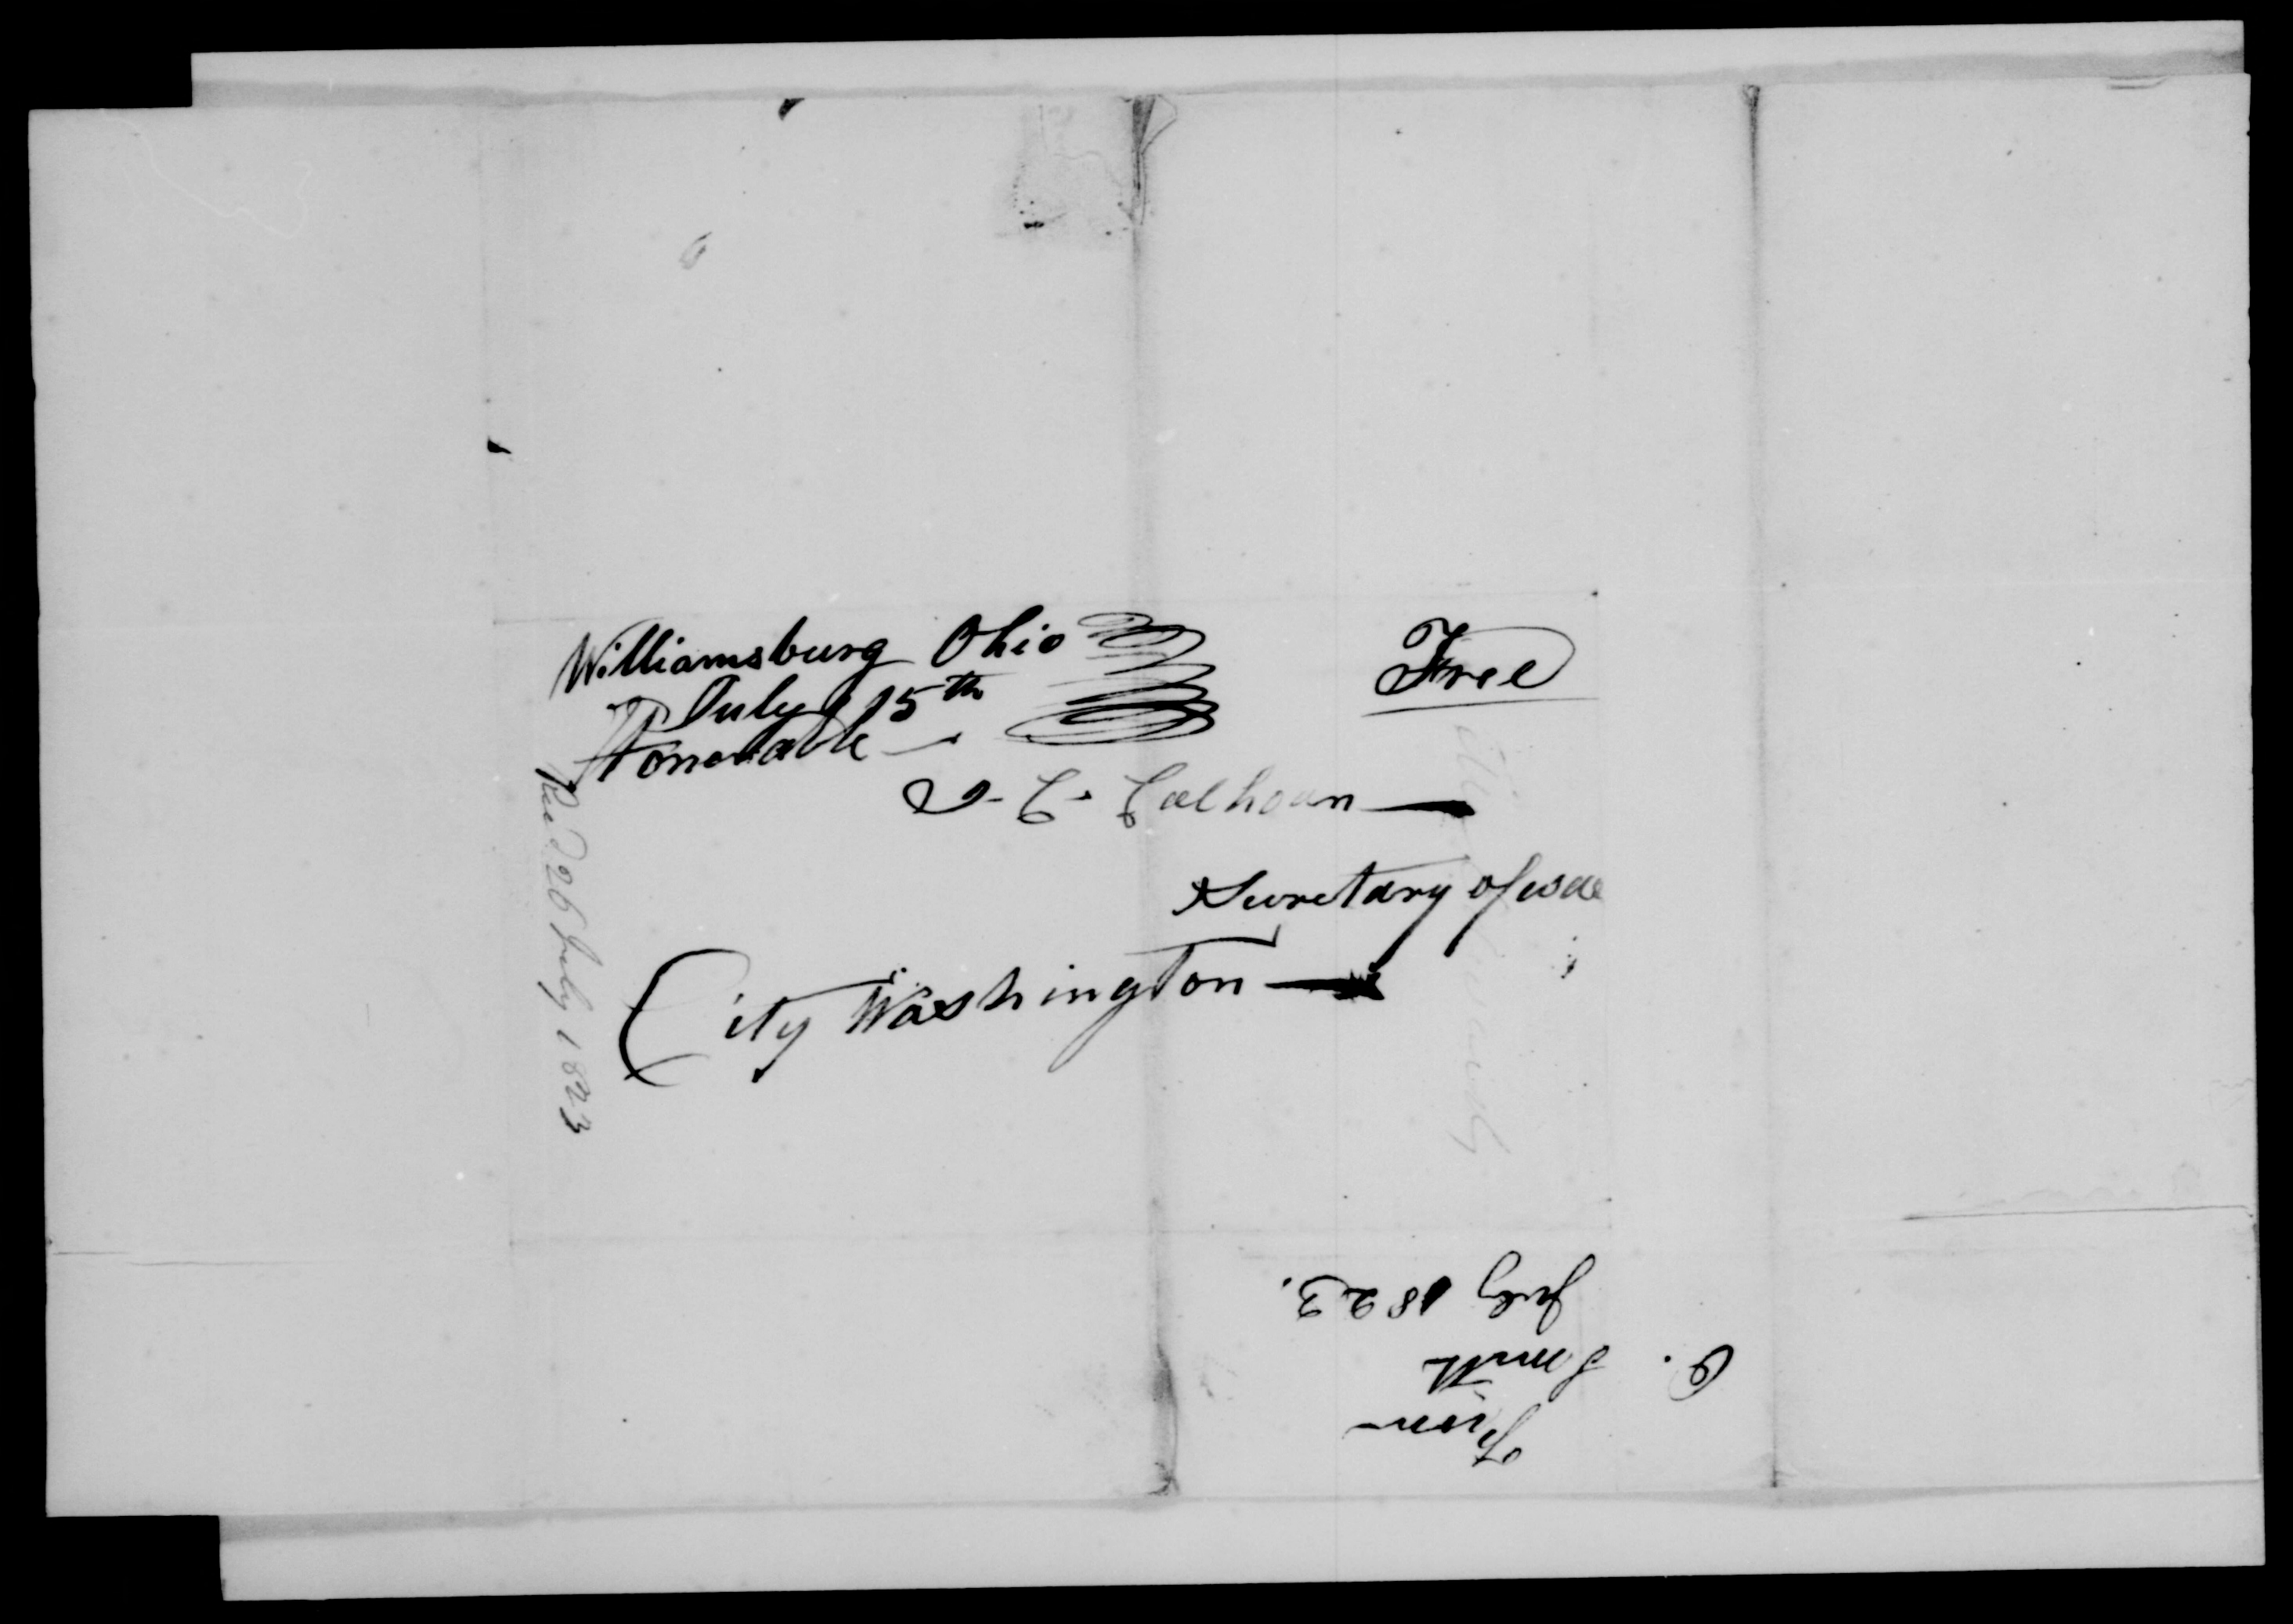Williamsburg Ohio July 15th Honorable J. C. Calhoun Secretary of war City Washington 
Free 
From O. Smith July 1823. 
Recd 26 July 1823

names: O Smith; J C Calhoun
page: 52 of 66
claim: survivor's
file: S 40458, for Obadiah Smith, New York